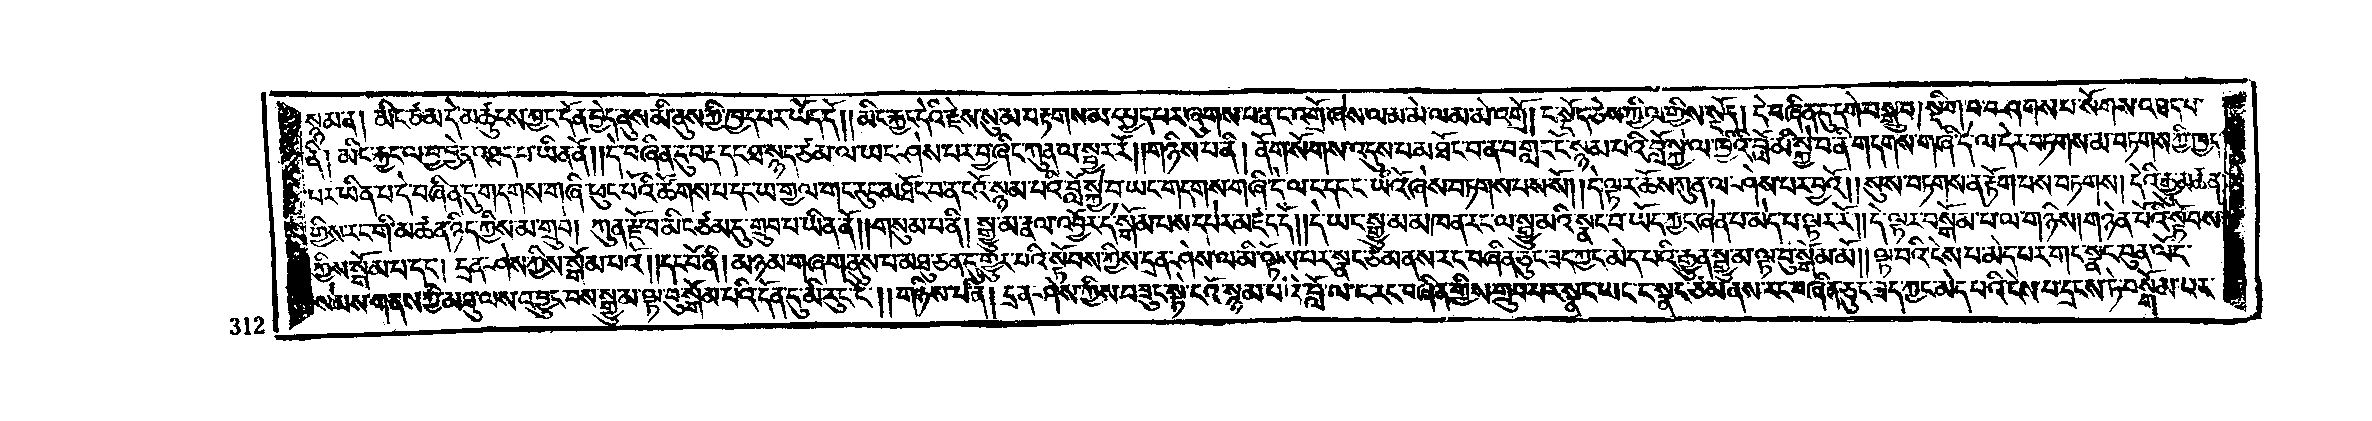སྙམ་ན། མིང་ཙམ་དེ་མཚུངས་ཀྱང་དོན་བྱེད་ནུས་མི་ནུས་ཀྱི་ཁྱད་པར་ཡོད་དོ། །མིང་རྐྱང་དེའི་རྗེས་སུ་མ་བརྟགས་མ་དཔྱད་པར་ཞུགས་པ་ན་ང་འགྲོ་ཞེས་ལམ་མེ་ལམ་མེ་འགྲོ། ང་སྡོད་ཅེས་ཀྱིལ?་གྱིས་སྡོད། དེ་བཞིན་དུ་དགེ་བ་སྒྲུབ། སྡིག་པ་བཤགས་པ་སོགས་འཐད་པ་
ནི། མིང་རྐྱང་ལ་བྱ་བྱེད་འཐད་པ་ཡིན་ནོ། །དེ་བཞིན་དུ་བརྡ་དང་ཐ་སྙད་ཙམ་ལ་ཡང་ཤེས་པར་བྱ་ཞིང་ཀུན་ལ་སྦྱར་རོ། །གཉིས་པ་ནི། ནོག་སོགས་འདུས་པ་མཐོང་བ་ན་བ་གླང་ངོ་སྙམ་པའི་བློ་སྐྱེ་ལ་ཁྱིའི་བློ་མི་སྐྱེ་བ་ནི་གདགས་གཞི་དེ་ལ་དེར་བཏགས་མ་བཏགས་ཀྱི་ཁྱད་
པར་ཡིན་པ་དེ་བཞིན་དུ་གདགས་གཞི་ཕུང་པོའི་ཚོགས་པ་དང་ཡ་གྱལ་གང་རུང་མཐོང་བ་ན་ངའོ་སྙམ་པའི་བློ་སྐྱེ་བ་ཡང་གདགས་གཞི་དེ་ལ་ང་དང་ང་ཡིའོ་ཞེས་བཏགས་པས་སོ། །དེ་ལྟར་ཆོས་ཀུན་ལ་ཤེས་པར་བྱའོ། །སུས་བཏགས་ན་རྟོག་པས་བཏགས། དེའི་རྒྱུ་མཚན་
གྱིས་རང་གི་མཚན་ཉིད་ཀྱིས་མ་གྲུབ། ཀུན་རྫོབ་མིང་ཙམ་དུ་གྲུབ་པ་ཡིན་ནོ། །གསུམ་པ་ནི། སྒྱུ་མ་རྣལ་འབྱོར་དེ་སྒོམ་པས་དཔེར་མཛད་དོ། །དེ་ཡང་སྒྱུ་མ་མཁན་རང་ལ་སྒྱུ་མའི་སྣང་བ་ཡོད་ཀྱང་ཞེན་པ་མེད་པ་ལྟར་རོ། །དེ་ལྟར་བསྒོམ་པ་ལ་གཉིས། གཉེན་པོའི་སྟོབས་
ཀྱིས་སྒོམ་པ་དང་། དྲན་ཤེས་ཀྱིས་སྒོམ་པའོ། །དང་པོ་ནི། མཉམ་གཞག་ནུས་པ་མཐུ་ཅན་དུ་གྱུར་པའི་སྟོབས་ཀྱིས་དྲན་ཤེས་ལ་མི་ལྟོས་པར་སྣང་ཙམ་ནས་རང་བཞིན་ཅུང་ཟད་ཀྱང་མེད་པའི་རྒྱུན་སྒྱུ་མ་ལྟ་བུ་སྒོམ་མོ། །ལྟ་བའི་ངེས་པ་མེད་པར་གང་སྣང་བུན་ལོང་
སེམས་གནས་ཀྱི་མཐུ་ལས་འབྱུང་བས་སྒྱུ་མ་ལྟ་བུ་སྒོམ་པའི་དོན་དུ་མི་རུང་ངོ། །གཉིས་པ་ནི། དྲན་ཤེས་ཀྱིས་བཟུང་སྟེ་ངའོ་སྙམ་པའི་བློ་ལ་ང་རང་བཞིན་གྱིས་གྲུབ་པར་སྣང་ཡང་ང་སྣང་ཙམ་ནས་རང་བཞིན་ཅུང་ཟད་ཀྱང་མེད་པའི་ངེས་པ་དྲངས་ཏེ་བསྒོམ་པར་